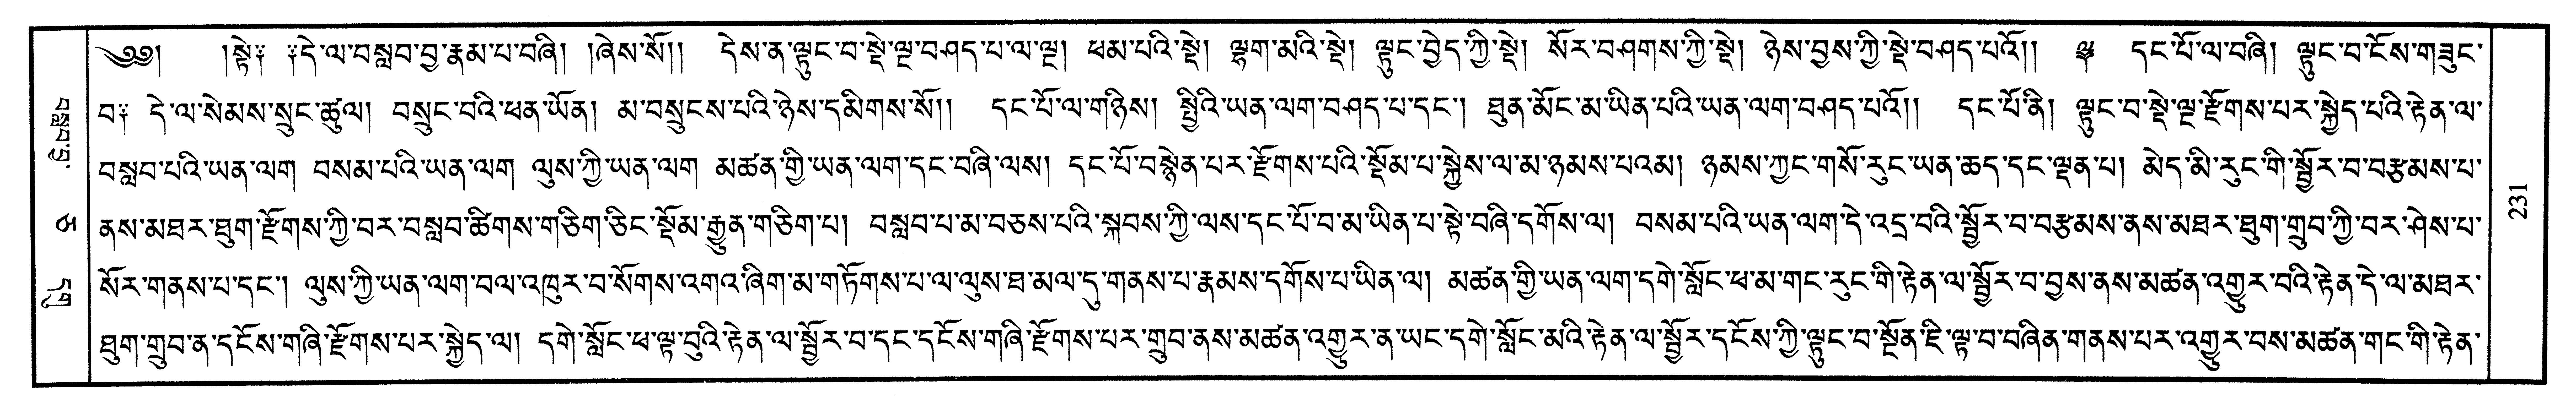༄༅། །སྟེ༑ ༑དེ་ལ་བསླབ་བྱ་རྣམ་པ་བཞི། །ཞེས་སོ།། དེས་ན་ལྟུང་བ་སྡེ་ལྔ་བཤད་པ་ལ་ལྔ། ཕམ་པའི་སྡེ། ལྷག་མའི་སྡེ། ལྟུང་བྱེད་ཀྱི་སྡེ། སོར་བཤགས་ཀྱི་སྡེ། ཉེས་བྱས་ཀྱི་སྡེ་བཤད་པའོ།། ༈ དང་པོ་ལ་བཞི། ལྟུང་བ་ངོས་གཟུང་
བ༑ དེ་ལ་སེམས་སྲུང་ཚུལ། བསྲུང་བའི་ཕན་ཡོན། མ་བསྲུངས་པའི་ཉེས་དམིགས་སོ།། དང་པོ་ལ་གཉིས། སྤྱིའི་ཡན་ལག་བཤད་པ་དང་། ཐུན་མོང་མ་ཡིན་པའི་ཡན་ལག་བཤད་པའོ།། དང་པོ་ནི། ལྟུང་བ་སྡེ་ལྔ་རྫོགས་པར་སྐྱེད་པའི་རྟེན་ལ་
བསླབ་པའི་ཡན་ལག་བསམ་པའི་ཡན་ལག་ལུས་ཀྱི་ཡན་ལག་མཚན་གྱི་ཡན་ལག་དང་བཞི་ལས། དང་པོ་བསྙེན་པར་རྫོགས་པའི་སྡོམ་པ་སྐྱེས་ལ་མ་ཉམས་པའམ། ཉམས་ཀྱང་གསོ་རུང་ཡན་ཆག་དང་ལྡན་པ། མེད་མི་རུང་གི་སྦྱོར་བ་བརྩམས་པ་
ནས་མཐར་ཐུག་རྫོགས་ཀྱི་བར་བསླབ་ཚིགས་གཅིག་ཅིང་སྡོམ་རྒྱུན་གཅིག་པ། བསླབ་པ་མ་བཅས་པའི་སྐབས་ཀྱི་ལས་དང་པོ་བ་མ་ཡིན་པ་སྡེ་བཞི་དགོས་ལ། བསམ་པའི་ཡན་ལག་དེ་འདྲ་བའི་སྦྱོར་བ་བརྩམས་ནས་མཐར་ཐུག་གྲུབ་ཀྱི་བར་ཤེས་པ་
སོར་གནས་པ་དང་། ལུས་ཀྱི་ཡན་ལག་བལ་འཁུར་བ་སོགས་འགའ་ཞིག་མ་གཏོགས་པ་ལ་ལུས་ཐ་མལ་དུ་གནས་པ་རྣམས་དགོས་པ་ཡིན་ལ། མཚན་གྱི་ཡན་ལག་དགེ་སློང་ཕ་མ་གང་རུང་གི་རྟེན་ལ་སྦྱོར་བ་བྱས་ནས་མཚན་འགྱུར་བའི་རྟེན་དེ་ལ་མཐར་
ཐུག་གྲུབ་ན་དངོས་གཞི་རྫོགས་པར་སྐྱེད་ལ། དགེ་སློང་ཕ་ལྟ་བུའི་རྟེན་ལ་སྦྱོར་བ་དང་དངོས་གཞི་རྫོགས་པར་གྲུབ་ནས་མཚན་འགྱུར་ན་ཡང་དགེ་སློང་མའི་རྟེན་ལ་སྦྱོར་དངོས་ཀྱི་ལྟུང་བ་སྔོན་ཇི་ལྟ་བ་བཞིན་གནས་པར་འགྱུར་བས་མཚན་གང་གི་རྟེན་